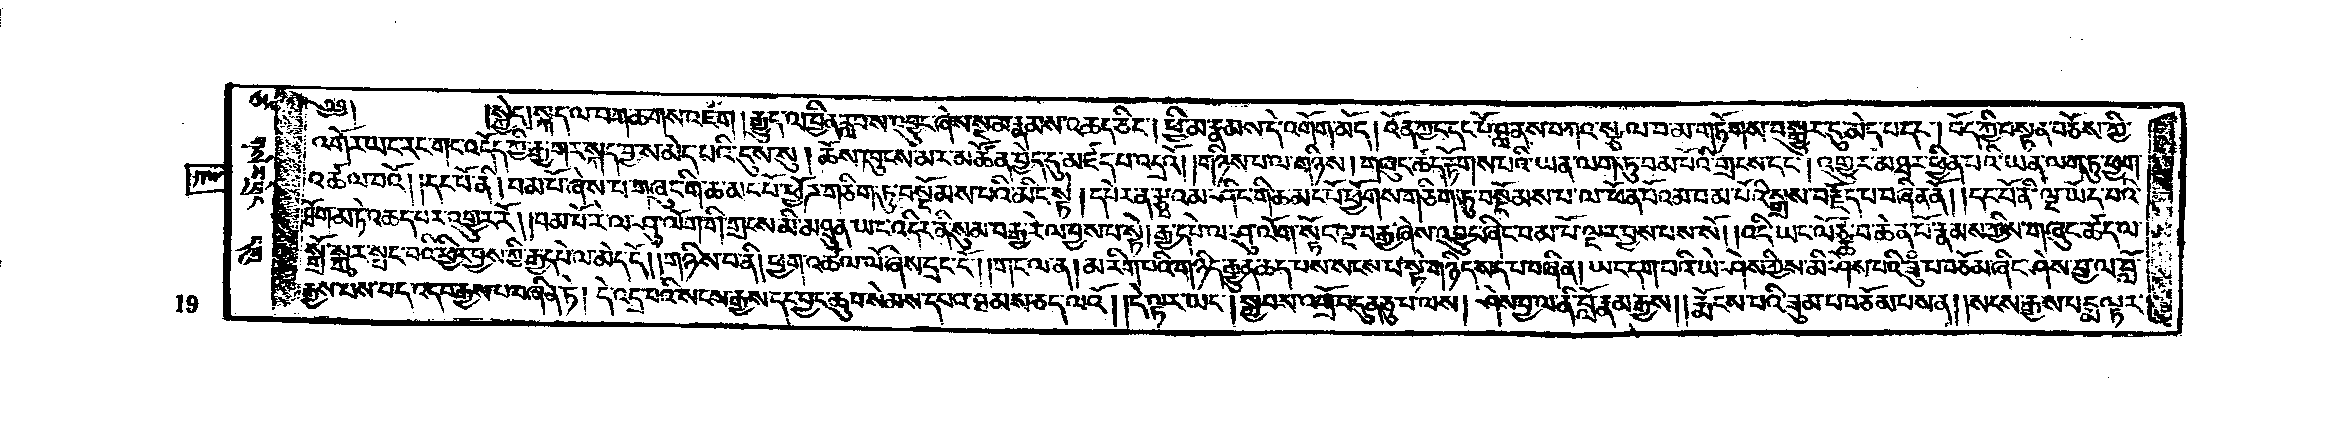༄༅། །སྐྱེད། སྐད་ལ་བག་ཆགས་འཇོག །རྒྱུད་ལ་བྱིན་རླབས་འབྱུང་ཞེས་སྔ་མ་རྣམས་འཆད་ཅིང་། ཕྱི་མ་རྣམས་དེ་འགོག་མོད། འོན་ཀྱང་དང་པོ་བླ་ནས་བཀའ་སྩལ་བ་མ་གཏོགས་བསྒྱུར་དུ་མེད་པ་དང་། བོད་ཀྱི་བསྟན་བཅོས་ཀྱི་
འགོར་ཡང་རང་གང་འདོད་ཀྱི་རྒྱ་གར་སྐད་བྱ་ས་མེད་པའི་དུས་སུ། ཆོས་ཁུངས་མར་མཚོན་བྱེད་དུ་མཛད་པ་འདྲའོ། །གཉིས་པ་ལ་གཉིས། གཞུང་ཚད་རྟོགས་པའི་ཡན་ལག་ཏུ་བམ་པོའི་གྲངས་དང་། འགྱུར་མཐར་ཕྱིན་པའི་ཡན་ལག་ཏུ་ཕྱག་
འཚལ་བའོ། །དང་པོ་ནི། བམ་པོ་ཞེས་པ་གཞུང་གི་ཆ་མང་པོ་ཕྱོགས་གཅིག་ཏུ་བསྡོམས་པའི་མིང་སྟེ། དཔེར་ན་རྩྭའམ་ཤིང་གི་ཆ་མང་པོ་ཕྱོགས་གཅིག་ཏུ་བསྡོམས་པ་ལ་ཕོན་པོའམ་བམ་པོའི་སྒྲས་བརྗོད་པ་བཞིན་ནོ། །དང་པོ་ནི་ལྔ་ཡོད་པའི་
ཐོག་མ་ཏེ་འཆད་པར་འགྱུར་རོ། །བམ་པོ་རེ་ལ་ཤུ་ལོག་གི་གྲངས་མི་མཐུན་ཡང་འདིར་ནི་སུམ་བརྒྱ་རེ་ལ་བྱས་པ་སྟེ། རྒྱ་དཔེ་ལ་ཤུ་ལོག་སྟོང་ལྔ་བརྒྱ་ཞེས་འབྱུང་ཞིང་བམ་པོ་ལྔར་བྱས་པས་སོ། །འདི་ཡང་ལོ་ཙྪ་བ་ཆེན་པོ་རྣམས་ཀྱིས་གཞུང་ཚད་ལ་
སྒྲོ་སྐུར་སྤང་བའི་ཕྱིར་བྱས་ཀྱི་རྒྱ་དཔེ་ལ་མེད་དོ། །གཉིས་པ་ནི། ཕྱག་འཚལ་ལོ་ཞེས་དྲང་ངོ། །གང་ལ་ན། མ་རིག་པའི་གཉིད་རྒྱུན་ཆད་པས་སངས་པ་སྟེ་གཉིད་སད་པ་བཞིན། ཡང་དག་པའི་ཡེ་ཤེས་ཀྱིས་མི་ཤེས་པའི་ཟུཾ་པ་བཅོམ་ཞིང་ཤེས་བྱ་ལ་བློ་
རྒྱས་པས་བད་འདབ་རྒྱས་པ་བཞིན་ཏེ། དེ་འདྲ་བའི་སངས་རྒྱས་དང་བྱང་ཆུབ་སེམས་དཔའ་ཐམས་ཅད་ལའོ། །དེ་ལྟར་ཡང་། སྐྱབས་འགྲོ་བདུན་ཅུ་པ་ལས། ཤེས་བྱ་ལ་ནི་བློ་རྣམ་རྒྱས། །རྨོངས་པའི་ཟུམ་པ་བཅོམ་པས་ན། །སངས་རྒྱས་པདམ་ལྟར་